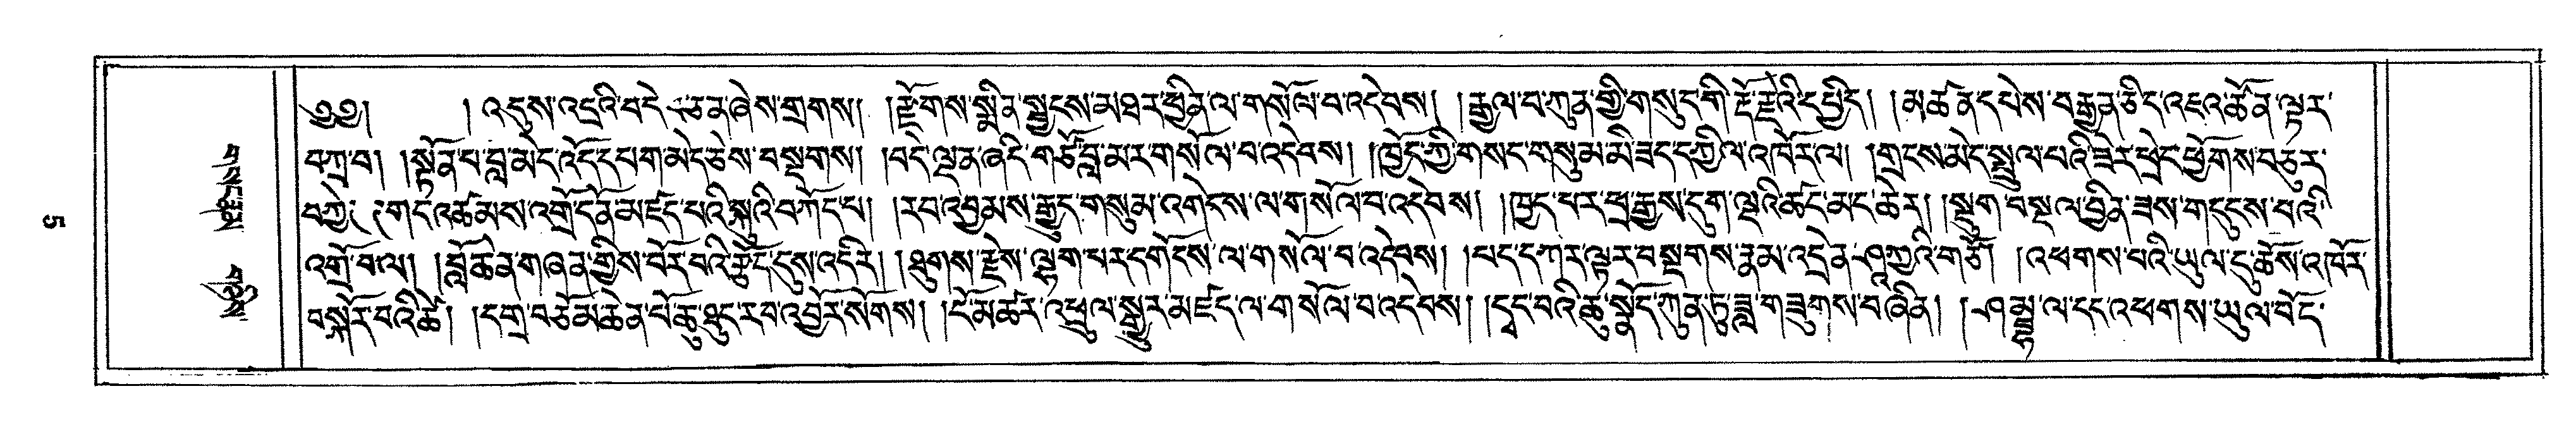༄༅། །འདུས་འདྲའི་བདེ་བ་ཅན་ཞེས་གྲགས། །རྫོགས་སྨིན་སྦྱངས་མཐར་ཕྱིན་ལ་གསོལ་བ་འདེབས། །རྒྱལ་བ་ཀུན་གྱི་གསུང་གི་རྡོ་རྗེའི་དཔྱིད། །མཚན་དཔེས་བརྒྱན་ཅིང་འཇའ་ཚོན་ལྟར་
བཀྲ་བ། །སྟོན་པ་བླ་མེད་འོད་དཔག་མེད་ཅེས་བསྔགས། །བདེ་ལྡན་ཞིང་གཙོ་བླ་མར་གསོལ་བ་འདེབས། །ཁྱོད་ཀྱི་གསང་གསུམ་མི་ཟད་དཀྱིལ་འཁོར་ལ། །གྲངས་མེད་སྤྲུལ་པའི་ཟེར་ཕྲེང་ཕྱོགས་བཅུར་
བཀྱེ༑ ༑གང་འཚམས་འགྲོ་དོན་མཛད་པའི་སྐུའི་བཀོད་པ། །རབ་འབྱམས་རྒྱུད་གསུམ་འགེངས་ལ་གསོལ་བ་འདེབས། །ཁྱད་པར་ཕྲ་རྒྱས་དུག་ལྔའི་ཚང་མང་ཆེར། །སྡུག་བསྔལ་བྱིན་ཟས་གདུངས་པའི་
འགྲོ་བ་ལ། །བློ་ཆེན་གཞན་གྱིས་བོར་བའི་རྩོད་དུས་འདིར། །ཐུགས་རྗེས་ལྷག་པར་དགོངས་ལ་གསོལ་བ་འདེབས། །པད་དཀར་ལྟར་བསྔགས་རྣམ་འདྲེན་ཤཱཀྱའི་གཙོ། །འཕགས་པའི་ཡུལ་དུ་ཆོས་འཁོར་
བསྐོར་བའི་ཚེ། །དགྲ་བཅོམ་ཆེན་པོ་ཆུ་ཐུང་རབ་འབྱོར་སོགས། །ངོ་མཚར་འཕྲུལ་སྒྱུར་མཛད་ལ་གསོལ་བ་འདེབས། །དྭང་བའི་ཆུ་སྣོད་ཀུན་ཏུ་ཟླ་གཟུགས་བཞིན། །ཤམྦྷ་ལ་དང་འཕགས་ཡུལ་བོད་